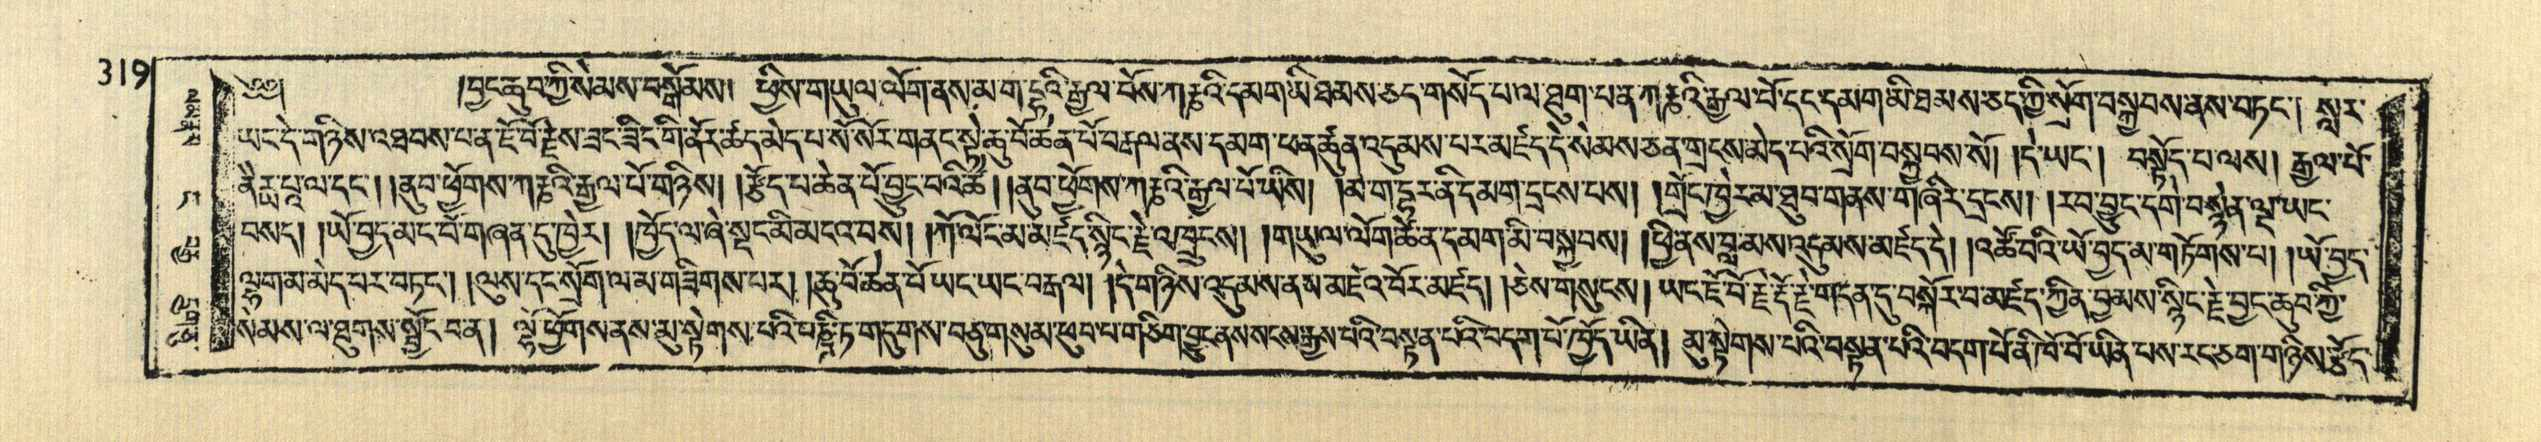༄༅། །བྱང་ཆུབ་ཀྱི་སེམས་བསྒོམས། ཕྱིས་གཡུལ་ལོག་ནས་མ་ག་དྷའི་རྒྱལ་བོས་ཀརྞའི་དམག་མི་ཐམས་ཅད་གསོད་པ་ལ་ཐུག་པ་ན་ཀརྞའི་རྒྱལ་པོ་དང་དམག་མི་ཐམས་ཅད་ཀྱི་སྲོག་བསྐྱབས་ནས་བཏང་། སླར་
ཡང་དེ་གཉིས་འཐབས་པ་ན་ཇོ་བོ་རྗེས་ཟང་ཟིང་གི་ནོར་ཚད་མེད་པ་སོ་སོར་གནང་སྟེ་ཆུ་བོ་ཆེན་པོ་བརྒལ་ནས་དམག་ཕན་ཚུན་འདུམས་པར་མཛད་དེ་སེམས་ཅན་གྲངས་མེད་པའི་སྲོག་བསྐྱབས་སོ། །དེ་ཡང་། བསྟོད་པ་ལས། རྒྱལ་པོ་
ནཻརྱ་པཱ་ལ་དང་། །ནུབ་ཕྱོགས་ཀརྞའི་རྒྱལ་པོ་གཉིས། །རྩོད་པ་ཆེན་པོ་བྱུང་བའི་ཚེ། །ནུབ་ཕྱོགས་ཀརྞའི་རྒྱལ་པོ་ཡིས། །མ་ག་དྷར་ནི་དམག་དྲངས་པས། །གྲོང་ཁྱེར་མ་ཐུབ་གནས་གཞིར་དྲངས། །རབ་བྱུང་དགེ་བསྙེན་ལྔ་ཡང་
བསད། །ཡོ་བྱད་མང་བོ་གཞན་དུ་ཁྱེར། །ཁྱོད་ལ་ཞེ་སྡང་མི་མངའ་བས། །ཀོ་ལོང་མ་མཛད་སྙིང་རྗེ་འཁྲུངས། །གཡུལ་ལོག་ཚེ་ན་དམག་མི་བསྐྱབས། །ཕྱི་ནས་བླ་མས་འདུམས་མཛད་དེ། །འཚོ་བའི་ཡོ་བྱད་མ་གཏོགས་པ། །ཡོ་བྱད་
ལྷག་མ་མེད་པར་བཏང་། །ལུས་དང་སྲོག་ལ་མ་གཟིགས་པར། །ཆུ་བོ་ཆེན་པོ་ཡང་ཡང་བརྒལ། །དེ་གཉིས་འདུམས་ནས་མཛའ་བོར་མཛད། །ཅེས་གསུངས། ཡང་ཇོ་བོ་རྗེ་རྡོ་རྗེ་གདན་དུ་བསྐོར་བ་མཛད་ཀྱིན་བྱམས་སྙིང་རྗེ་བྱང་ཆུབ་ཀྱི་
སེམས་ལ་ཐུགས་སྦྱོང་བ་ན། ལྷོ་ཕྱོགས་ནས་མུ་སྟེགས་པའི་པཎྜི་ཏ་གདུགས་བཅུ་གསུམ་ཕུབ་པ་གཅིག་བྱུང་ནས་སངས་རྒྱས་པའི་བསྟན་པའི་བདག་པོ་ཁྱོད་ཡིན། མུ་སྟེགས་པའི་བསྟན་པའི་བདག་པོ་ནི་ཁོ་བོ་ཡིན་པས་རང་ཅག་གཉིས་རྩོད་